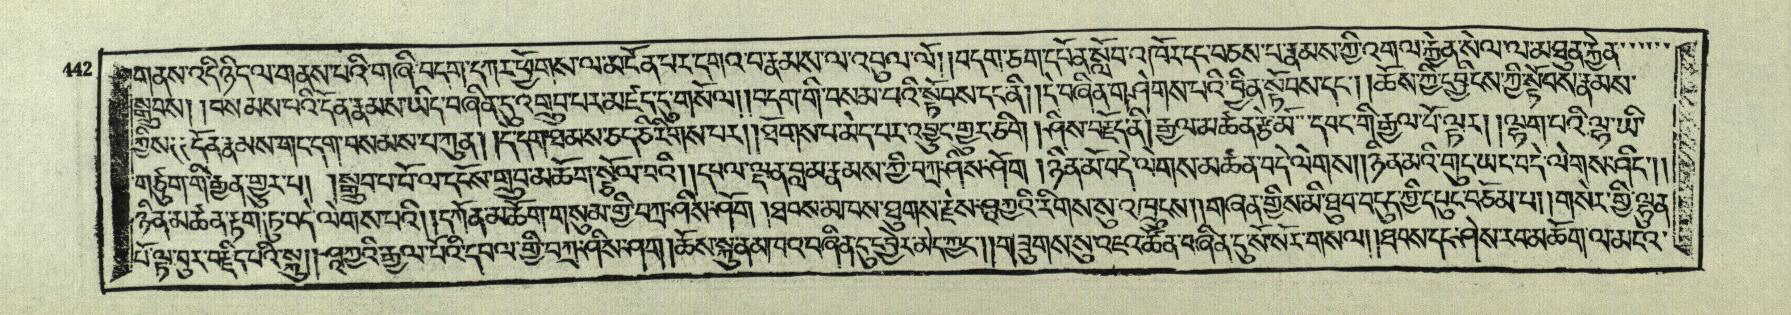གནས་འདི་ཉིད་ལ་གནས་པའི་གཞི་བདག་དཀར་ཕྱོགས་ལ་མངོན་པར་དགའ་བ་རྣམས་ལ་འབུལ་ལོ། །བདག་ཅག་དཔོན་སློབ་འཁོར་དང་བཅས་པ་རྣམས་ཀྱི་འགལ་རྐྱེན་སེལ་ལ་མཐུན་རྐྱེན་
སྒྲུབས། །བསམས་པའི་དོན་རྣམས་ཡིད་བཞིན་དུ་འགྲུབ་པར་མཛད་དུ་གསོལ། །བདག་གི་བསམ་པའི་སྟོབས་དང་ནི། །དེ་བཞིན་གཤེགས་པའི་བྱིན་སྟོབས་དང་། །ཆོས་ཀྱི་དབྱིངས་ཀྱི་སྟོབས་རྣམས་
ཀྱིས༑ ༑དོན་རྣམས་གང་དག་བསམས་པ་ཀུན། །དེ་དག་ཐམས་ཅད་ཅི་རིགས་པར། །ཐོགས་པ་མེད་པར་འབྱུང་གྱུར་ཅིག །ཤིས་བརྗོད་ནི། རྒྱལ་མཚན་རྩེ་མོ་དབང་གི་རྒྱལ་པོ་ལྟར། །ལྷག་པའི་ལྷ་ཡི་
གཙུག་གི་རྒྱན་གྱུར་པ། །སྒྲུབ་པ་པོ་ལ་དངོས་གྲུབ་མཆོག་སྩོལ་བའི། །དཔལ་ལྡན་བླ་མ་རྣམས་ཀྱི་བཀྲ་ཤིས་ཤོག །ཉིན་མོ་བདེ་ལེགས་མཚན་བདེ་ལེགས། །ཉིན་མའི་གུང་ཡང་བདེ་ལེགས་ཤིང་། །
ཉིན་མཚན་རྟག་ཏུ་བདེ་ལེགས་པའི། །དཀོན་མཆོག་གསུམ་གྱི་བཀྲ་ཤིས་ཤོག །ཐབས་མཁས་ཐུགས་རྗེས་ཤཱཀྱའི་རིགས་སུ་འཁྲུངས། །གཞན་གྱིས་མི་ཐུབ་བདུད་ཀྱི་དཔུང་བཅོམ་པ། །གསེར་གྱི་ལྷུན་
པོ་ལྟ་བུར་བརྗིད་པའི་སྐུ། །ཤཱཀྱའི་རྒྱལ་པོའི་དཔལ་གྱི་བཀྲ་ཤིས་ཤོག །ཆོས་སྐུ་ནམཁའ་བཞིན་དུ་དབྱེར་མེད་ཀྱང་། །གཟུགས་སུ་འཇའ་ཚོན་བཞིན་དུ་སོ་སོར་གསལ། །ཐབས་དང་ཤེས་རབ་མཆོག་ལ་མངའ་